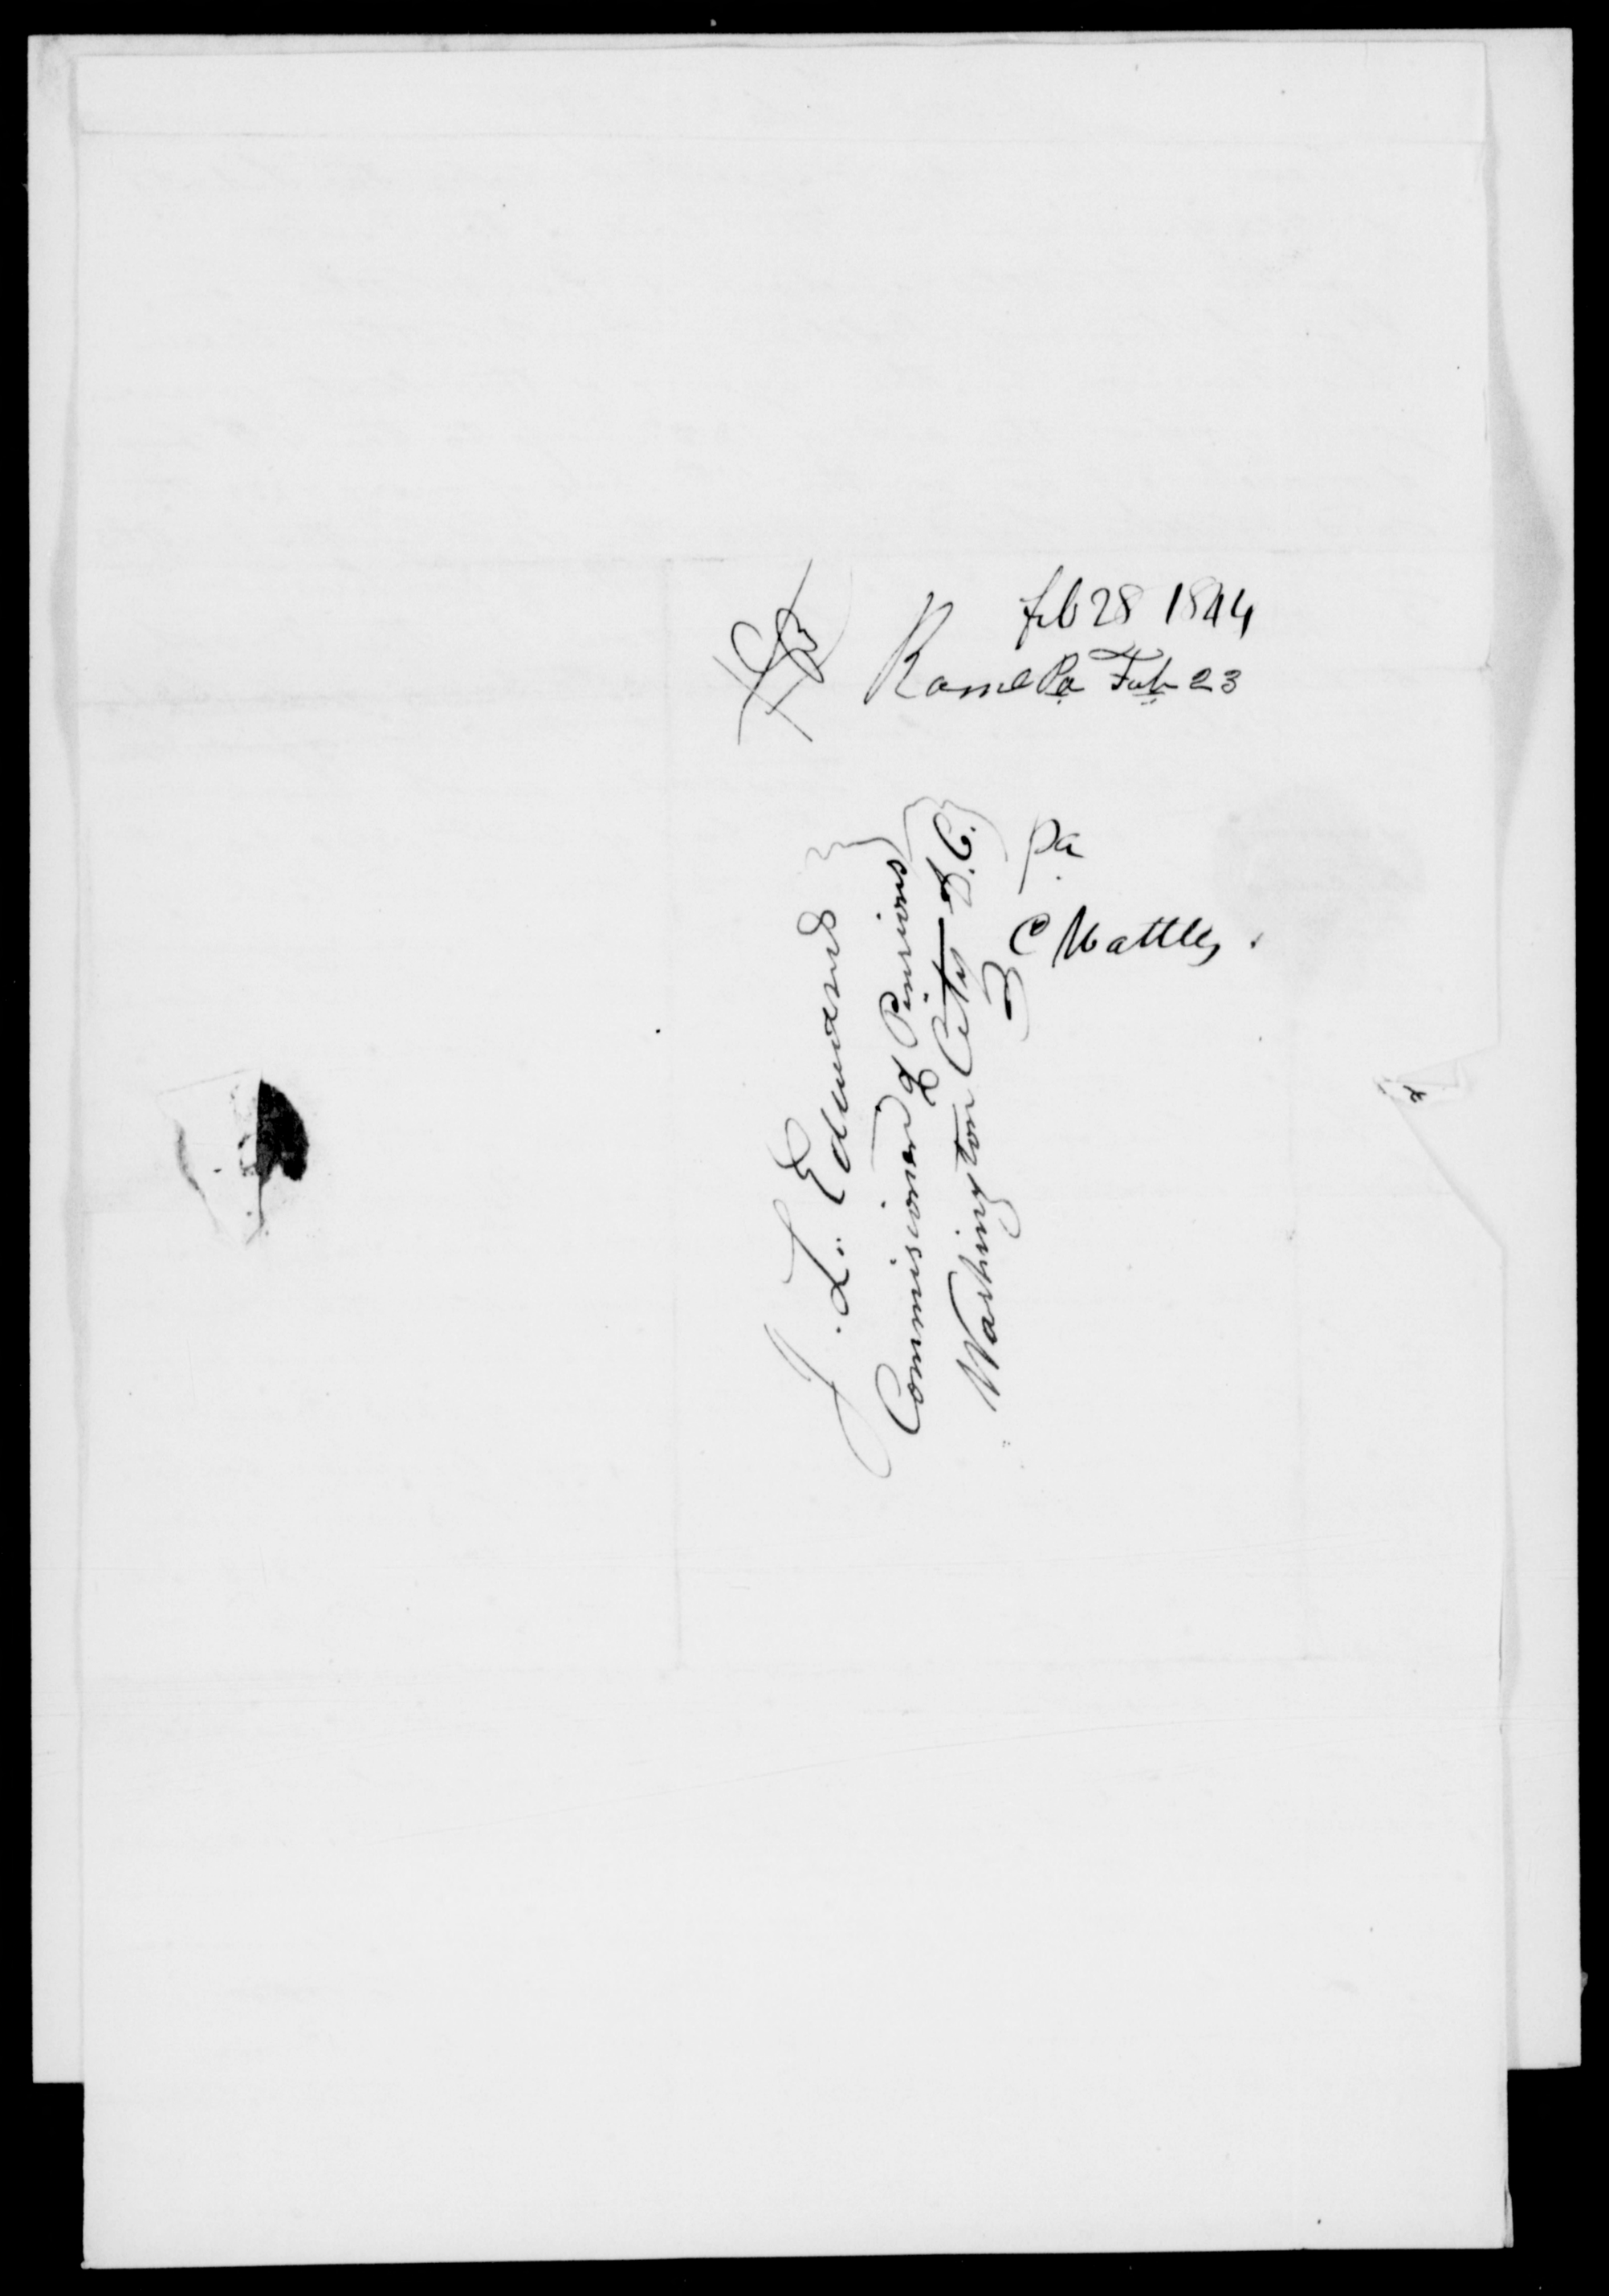Feb 28 1844
Rome, Pa  Feb 23

pa
C Wattles

J. L. Edwards
Commissioner of Pensions
Washington City  D.C.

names: J L Edwards, C Wattles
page: 50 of 70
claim: widow's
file: W. 3743, Dan Wattles, Conn.